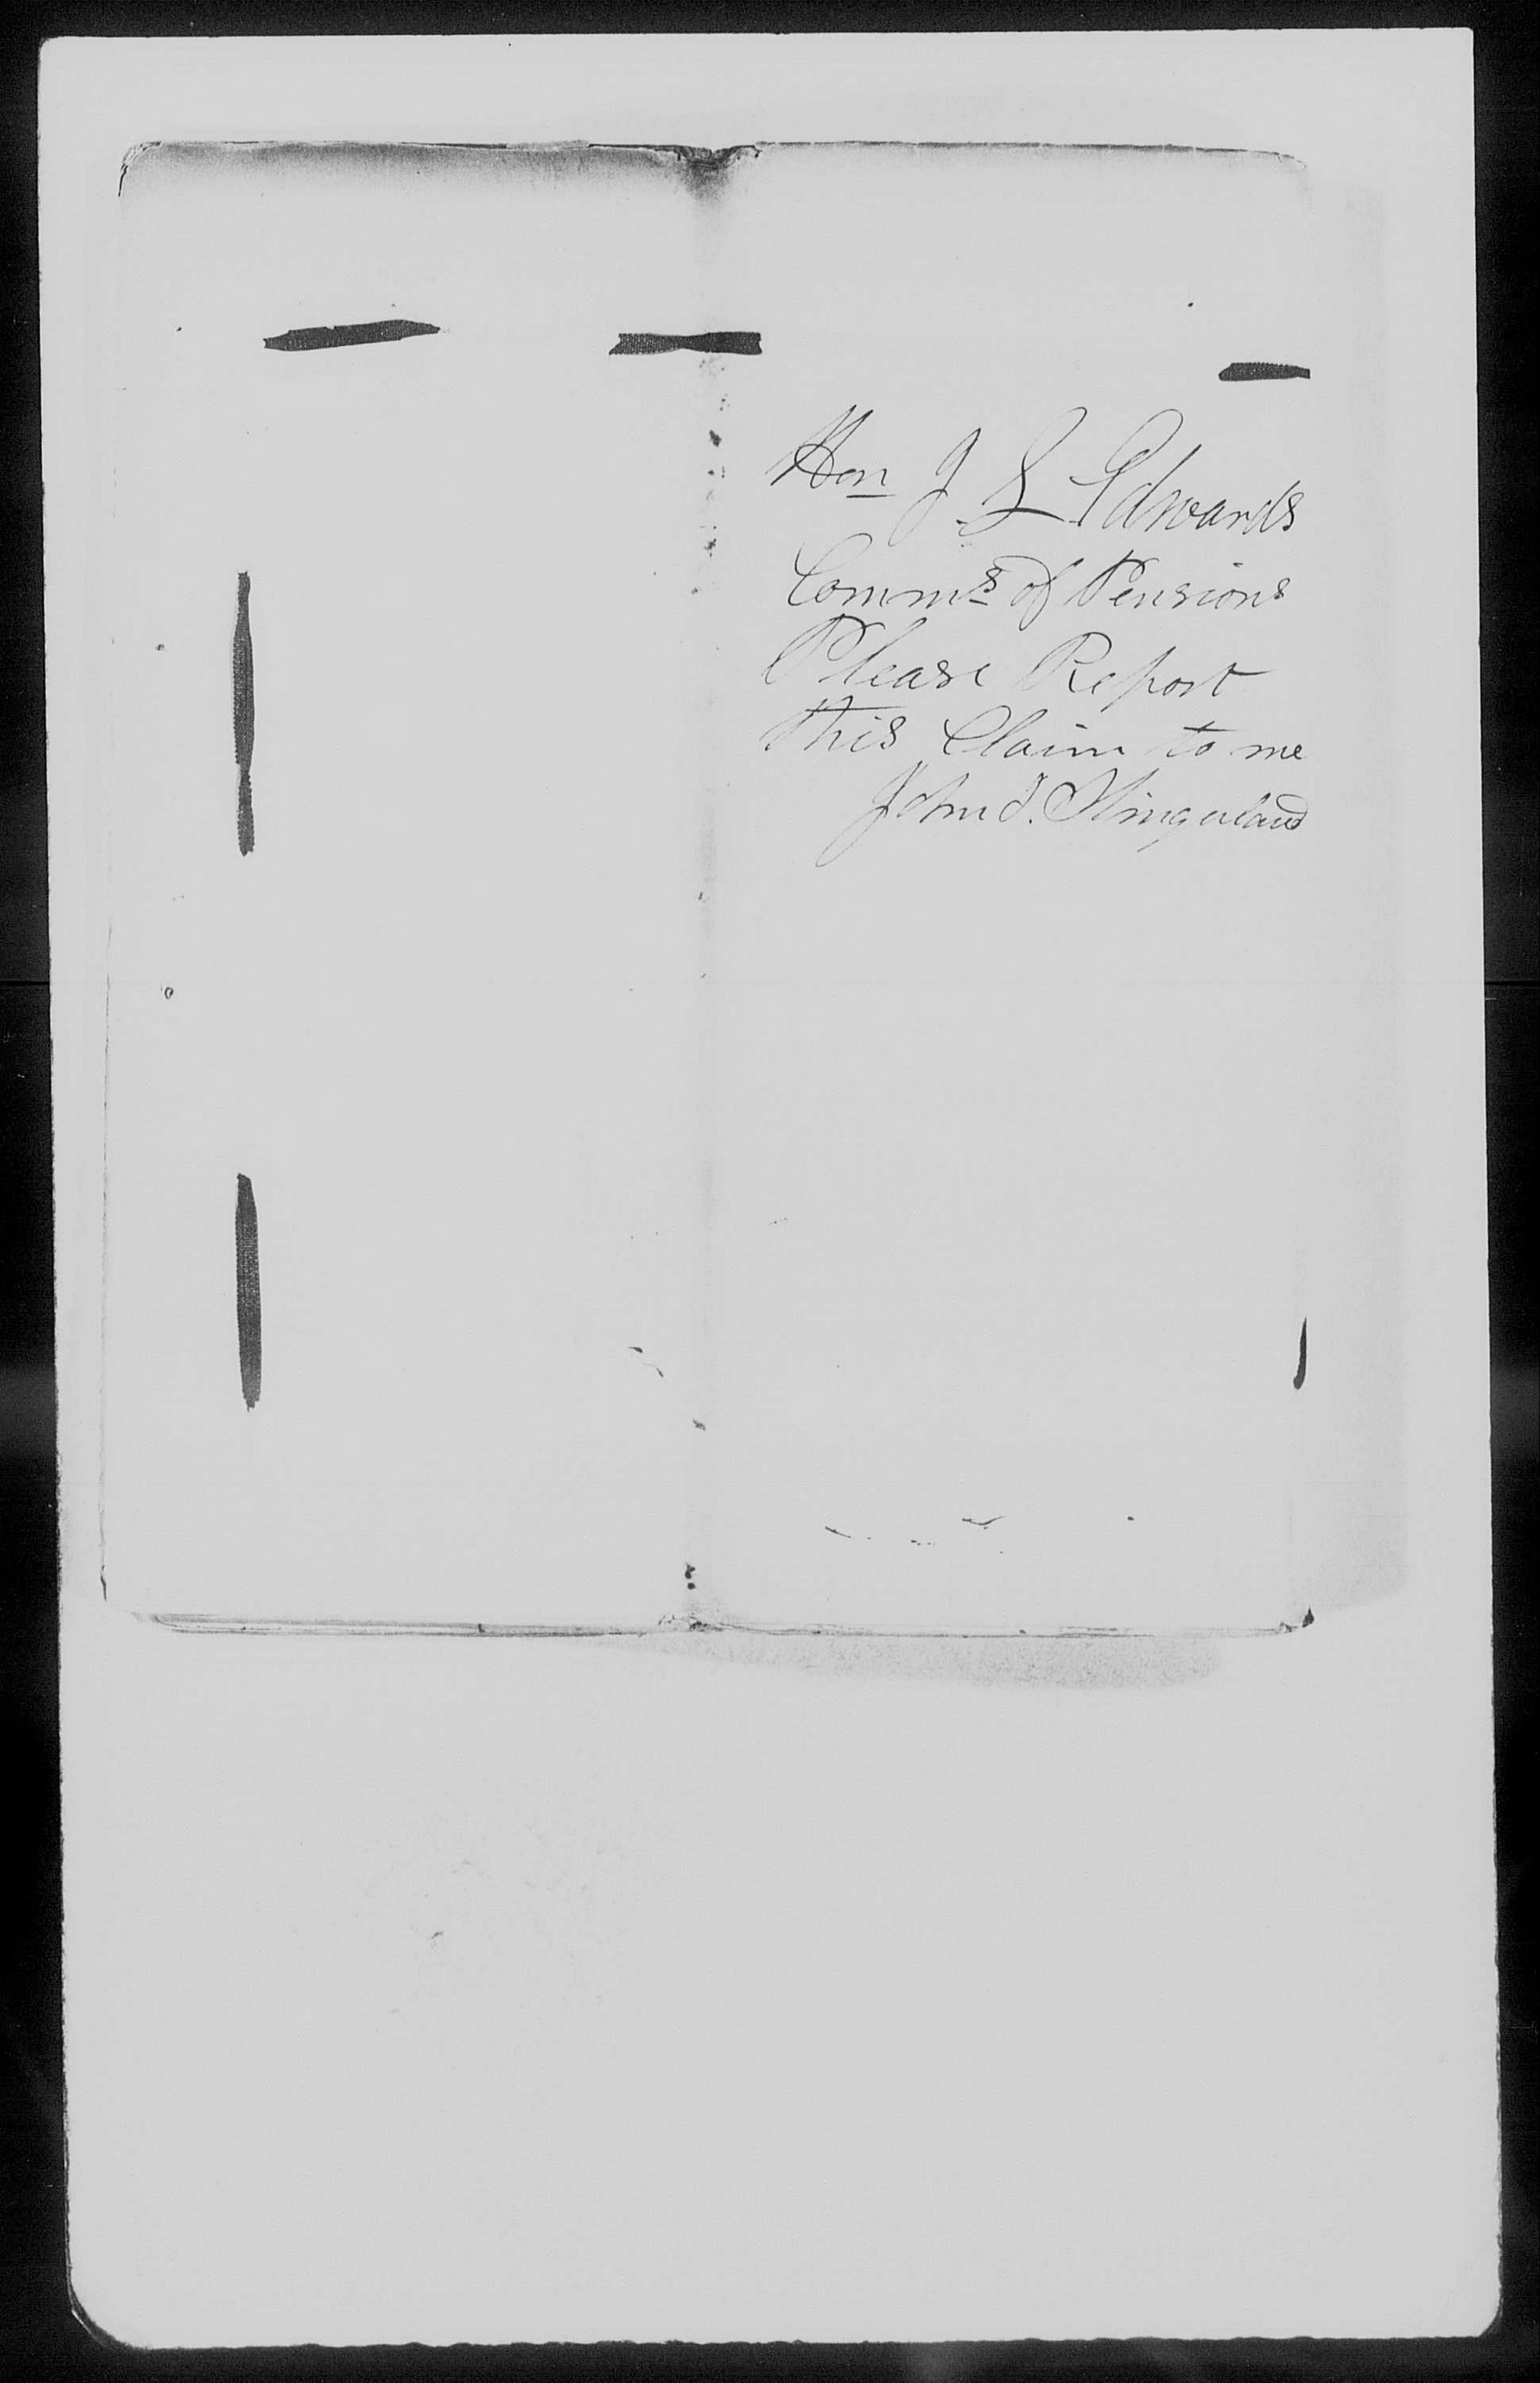Hon J. L. Edwards
Comms of Pensions
Please Report this Claim to me
John J. Slingerland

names: J L Edwards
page: 36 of 106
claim: survivor's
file: S 23,116., Joshua Benedict, Conn.